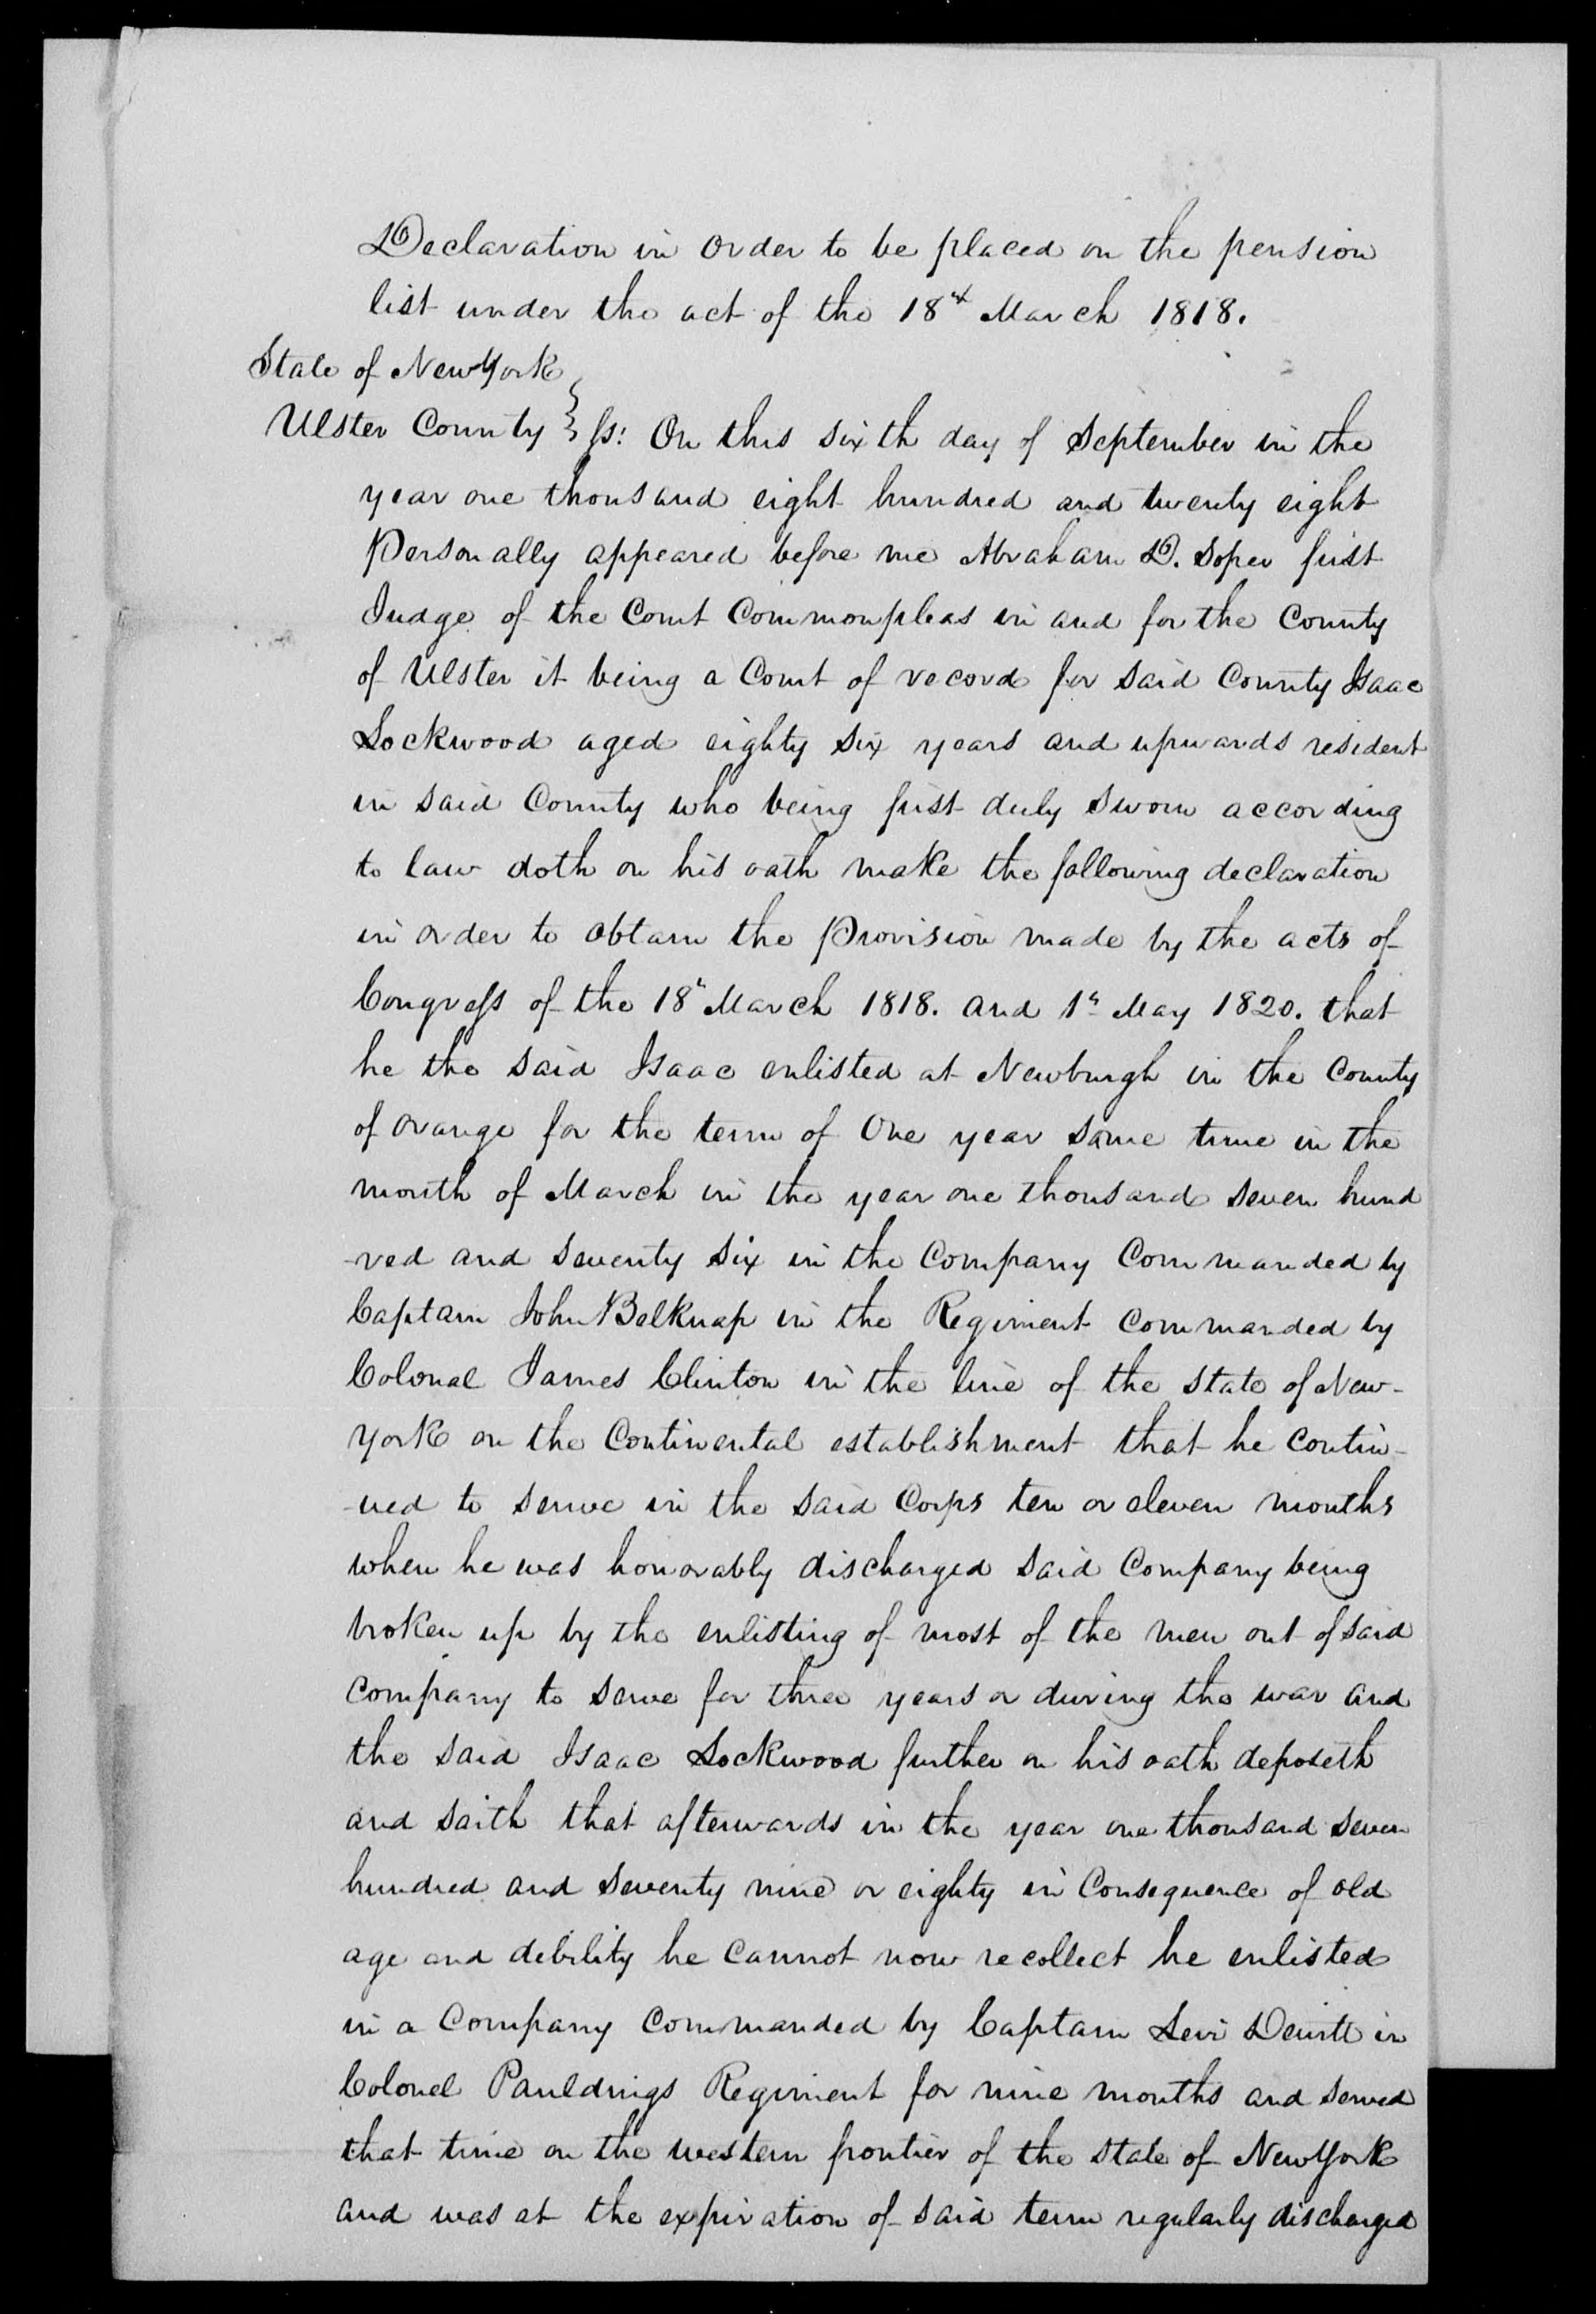Declaration in order to be placed on the pension list under the act of the 18th March 1818.

State of New York}
Ulster County} Ss:  on this sixth day of September in the year one thousand eight hundred and twenty eight Personally appeared before me Abraham D. Soper first Judge of the Court Common pleas in and for the County of Ulster it being a Court of record for said County Isaac Lockwood aged eighty six years and upwards resident in said County who being first duly Sworn according to law doth on his oath make the following declaration in order the obtain the Provision made by the acts of Congress of the 18th March 1818. and ? [amended?] May 1820, that he the said Isaac enlisted at Newburgh in the County of Orange for the term of One year some time in the month of March in the year one thousand seven hundred and seven six in the Company Commanded by Captain John Belknap in the Regiment commanded by Colonel James Clinton in the line of the State of New York on the Continental establishment that he continued to serve in the said Corps ten or eleven months when he was honorably discharged said Company being broken up by the enlisting of most of the men out of Said Company to serve for three years or during the war and the said Isaac Lockwood further on his oath deposeth and saith that afterwards in the year one thousand seven hundred and seventy nine or eight in Consequence of old age and debility he cannot now recollect he enlisted in a Company Commanded by Capt Levi Dewitt in Colonel Pauldings Regiment for nine months and served that time on the western frontier of the State of New York and was at the expiration of said term regularly discharged.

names: James Clinton; John Belknap; Abraham D Soper; Levi Dewitt; Isaac Lockwood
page: 3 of 23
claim: survivor's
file: S 42891, for Isaac Lockwood, New York